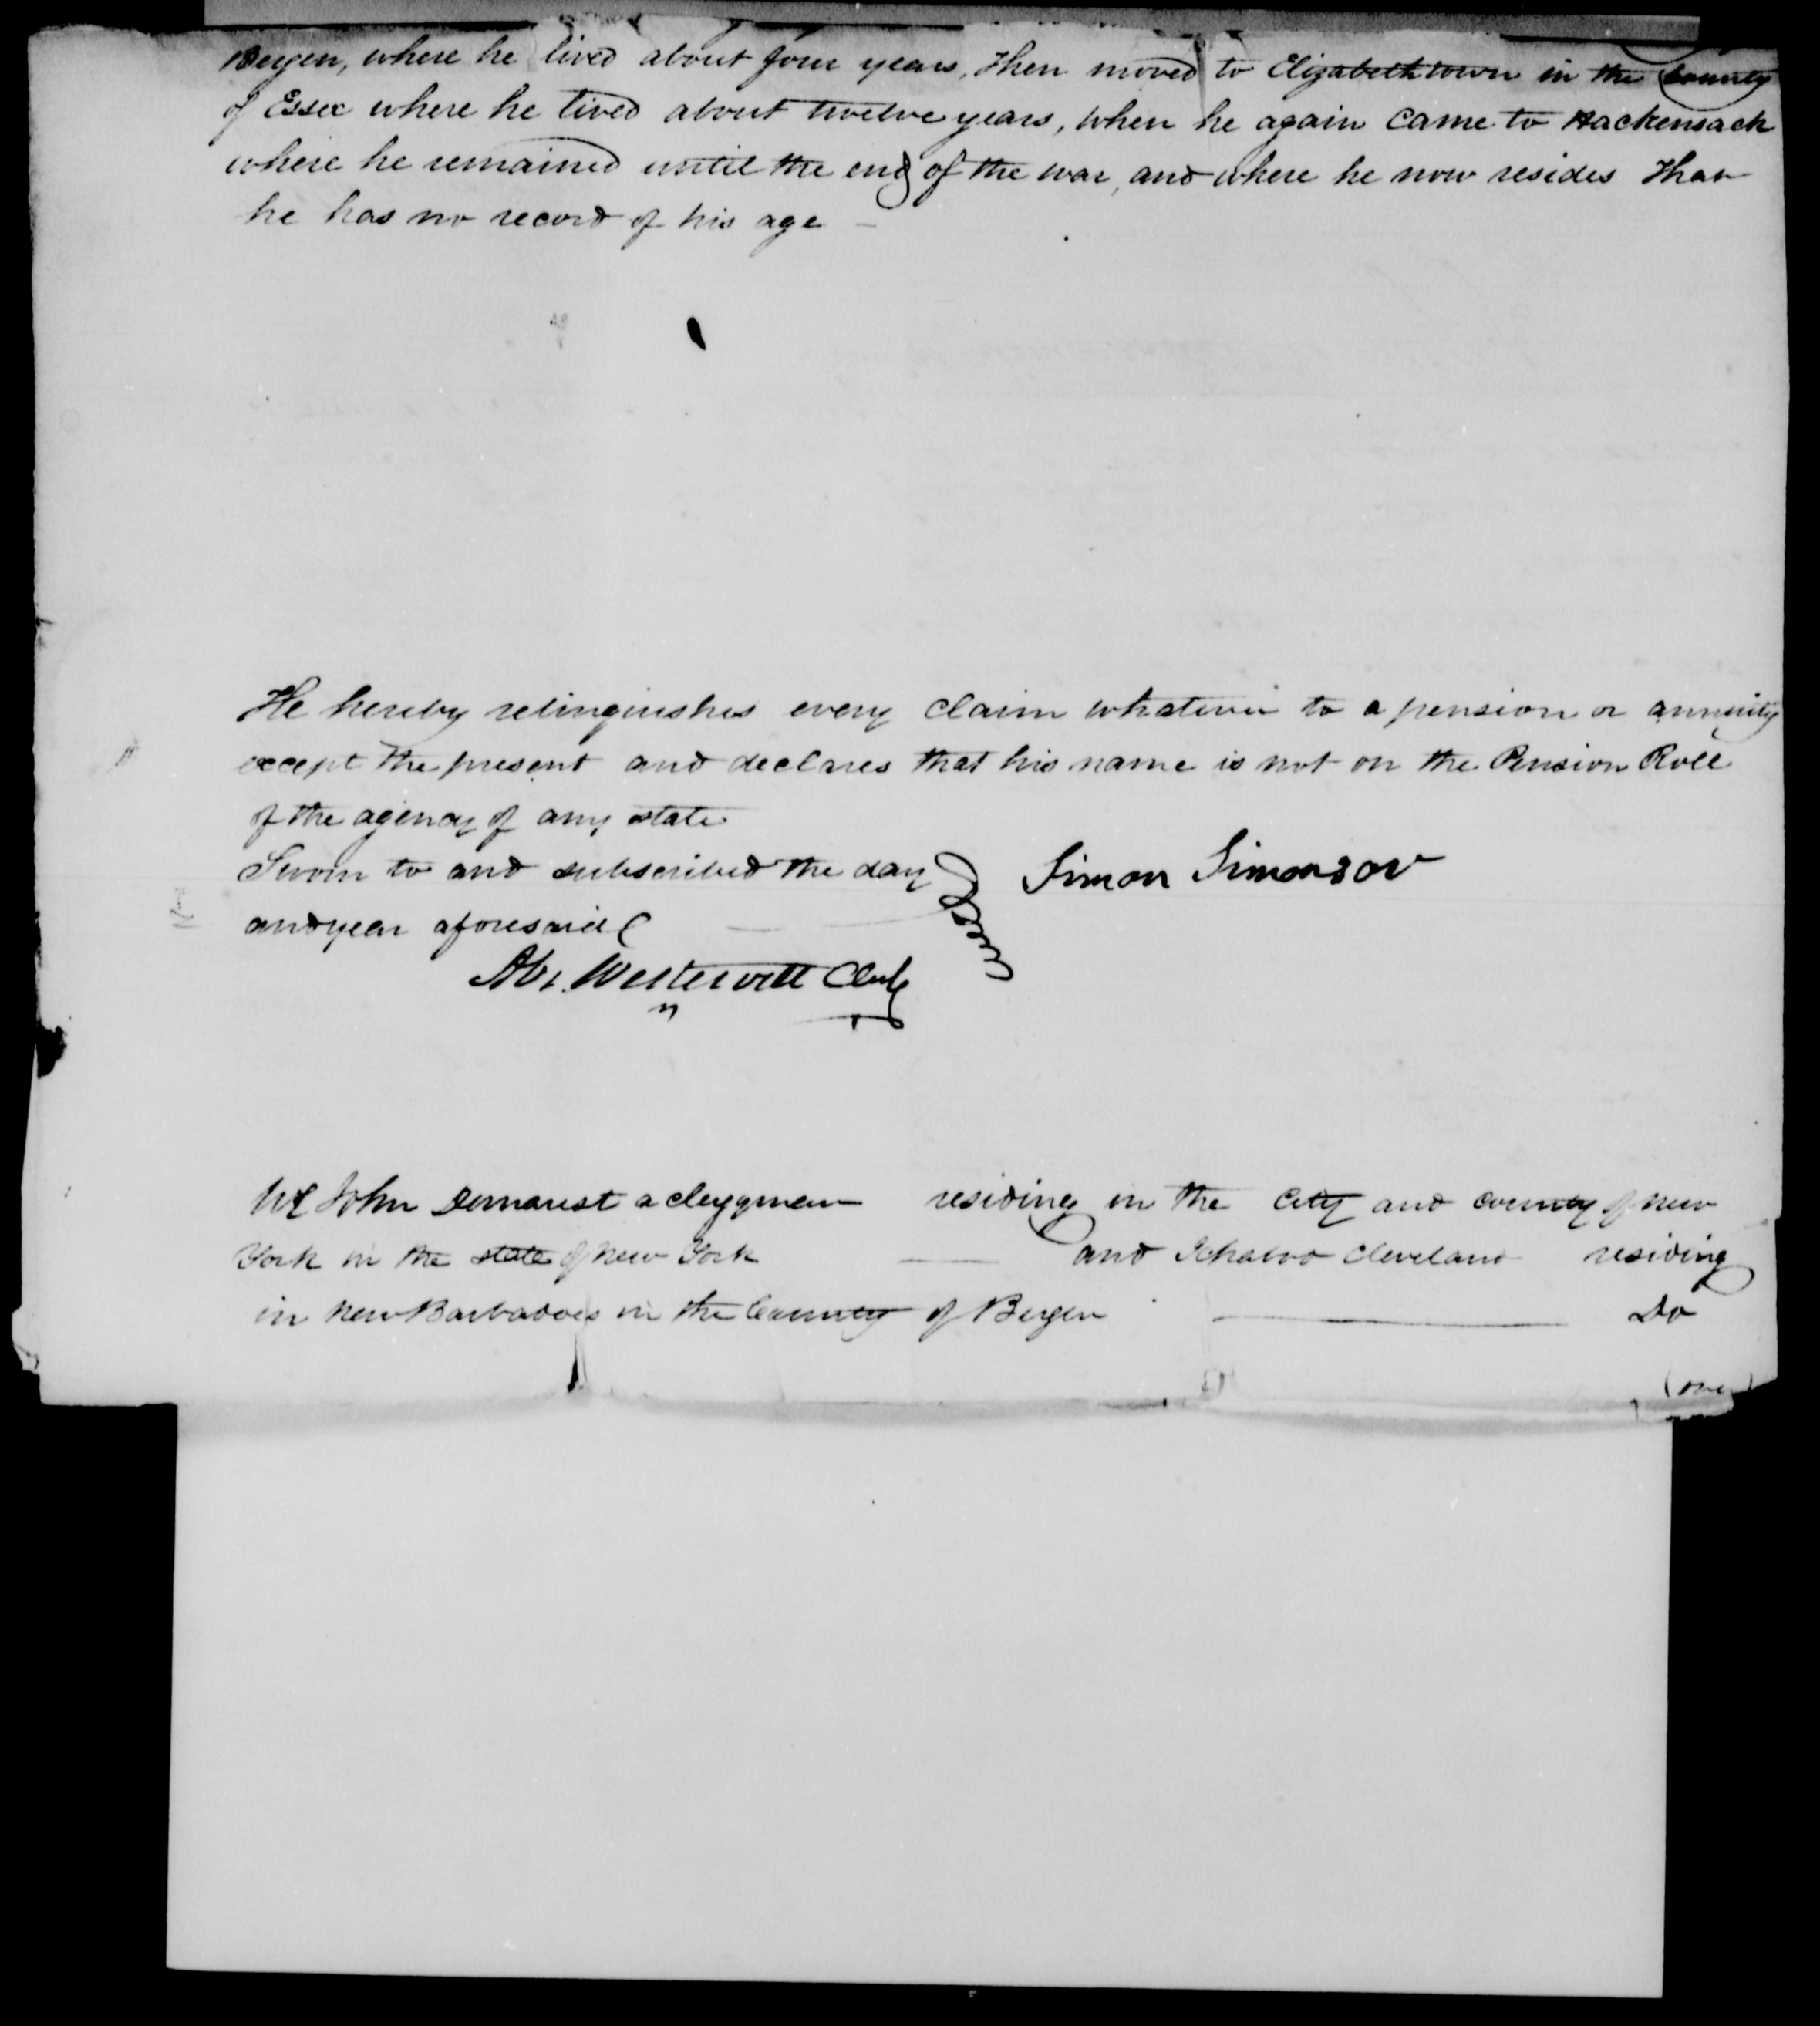Bergen, where he lived about four years then moved to Elizabeth town in the County of Essex where he lived about twelve years, when he again came to Hackensack where he remained until the end of the war, and where he now resides That he has no record of his age-

He hereby relinquishes every claim whatever to  except the present and declares that his name is not on the Pension Roll of the agency of any state
Simon Simonson

Sworn to and subscribed the day
and year aforesaid
Abr. Westervill Clerk

We John Demarest a clergyman residing in the City and County of New York State of New York in the state of New York --  and Ichabod Cleveland residing in New Barbadoes in the County of Bergen --- do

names: Ichabod Cleveland; John Demarest; Simon Simonson; Abr Westervill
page: 17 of 30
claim: survivor's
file: S. 1104, for Simon Simonson, New Jersey